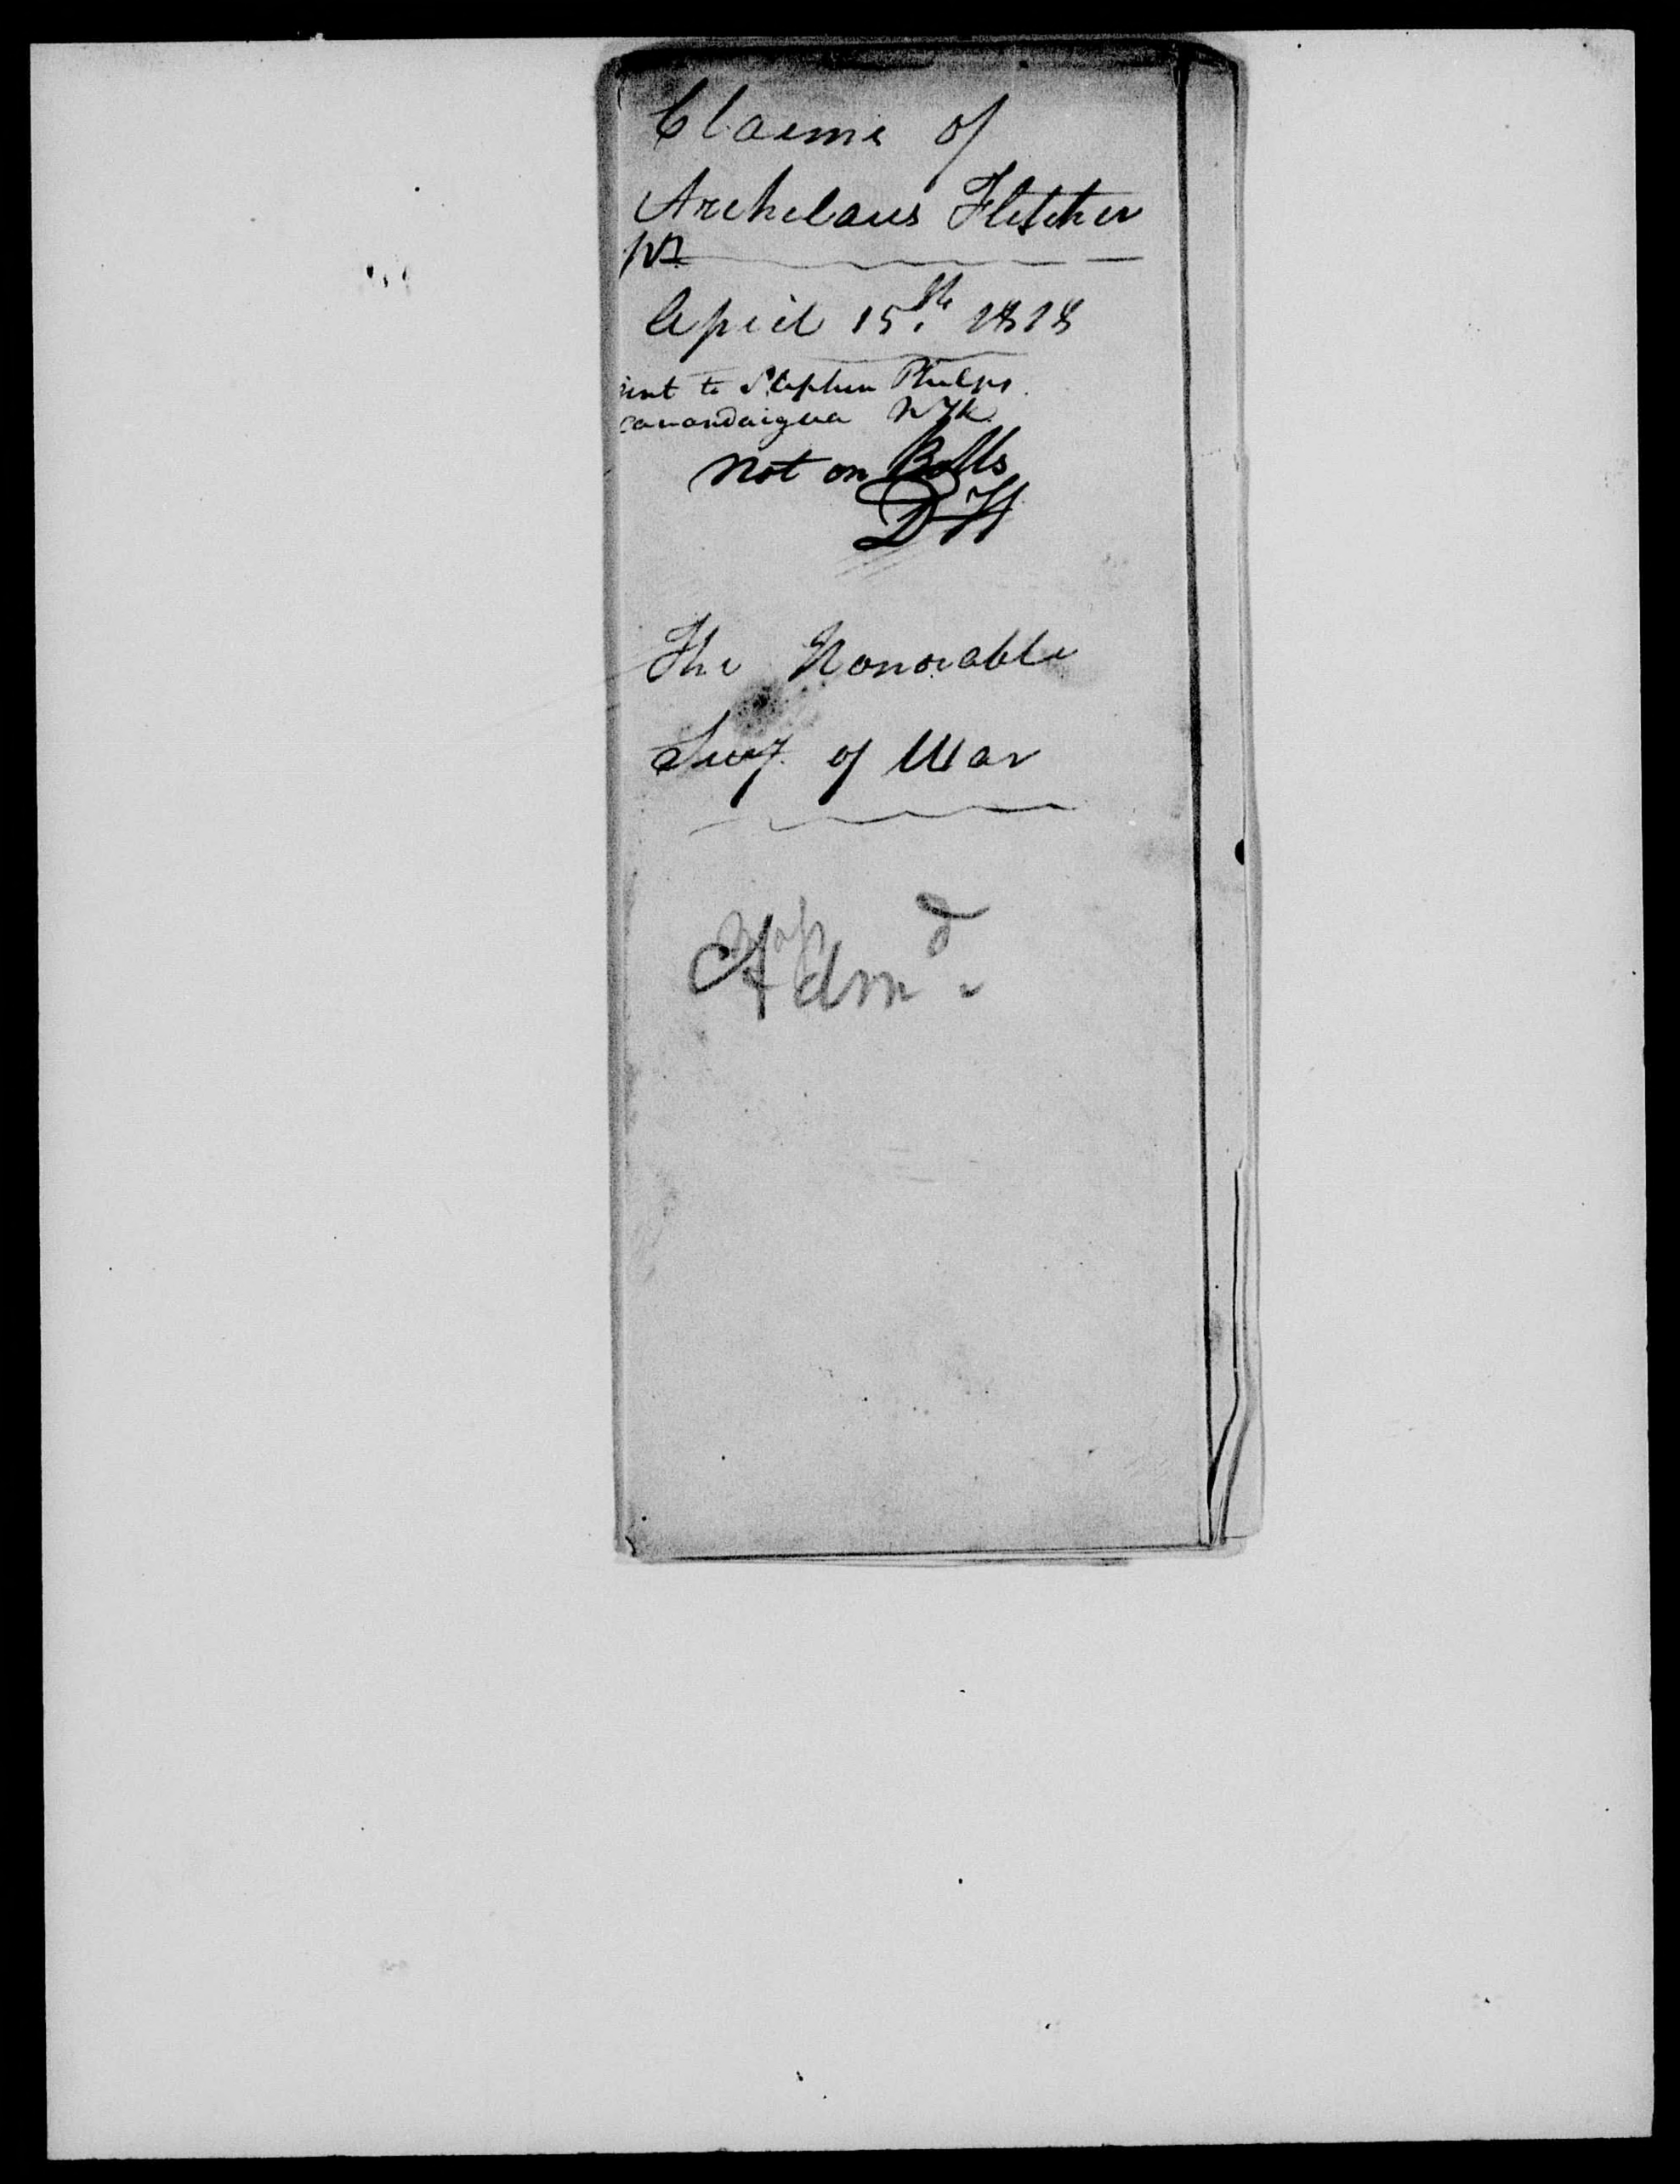Claims of Archelaus Fletcher

April 15th, 1818
sent to Stephen Phelps
Canandaigua, N. York

Not on Rolls
(illegible)

The Honorable
Secy of War
(illegible)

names: Stephen Phelps, Archelaus Fletcher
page: 3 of 18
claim: survivor's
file: S. 44822, Archelaus Fletcher, Mass.